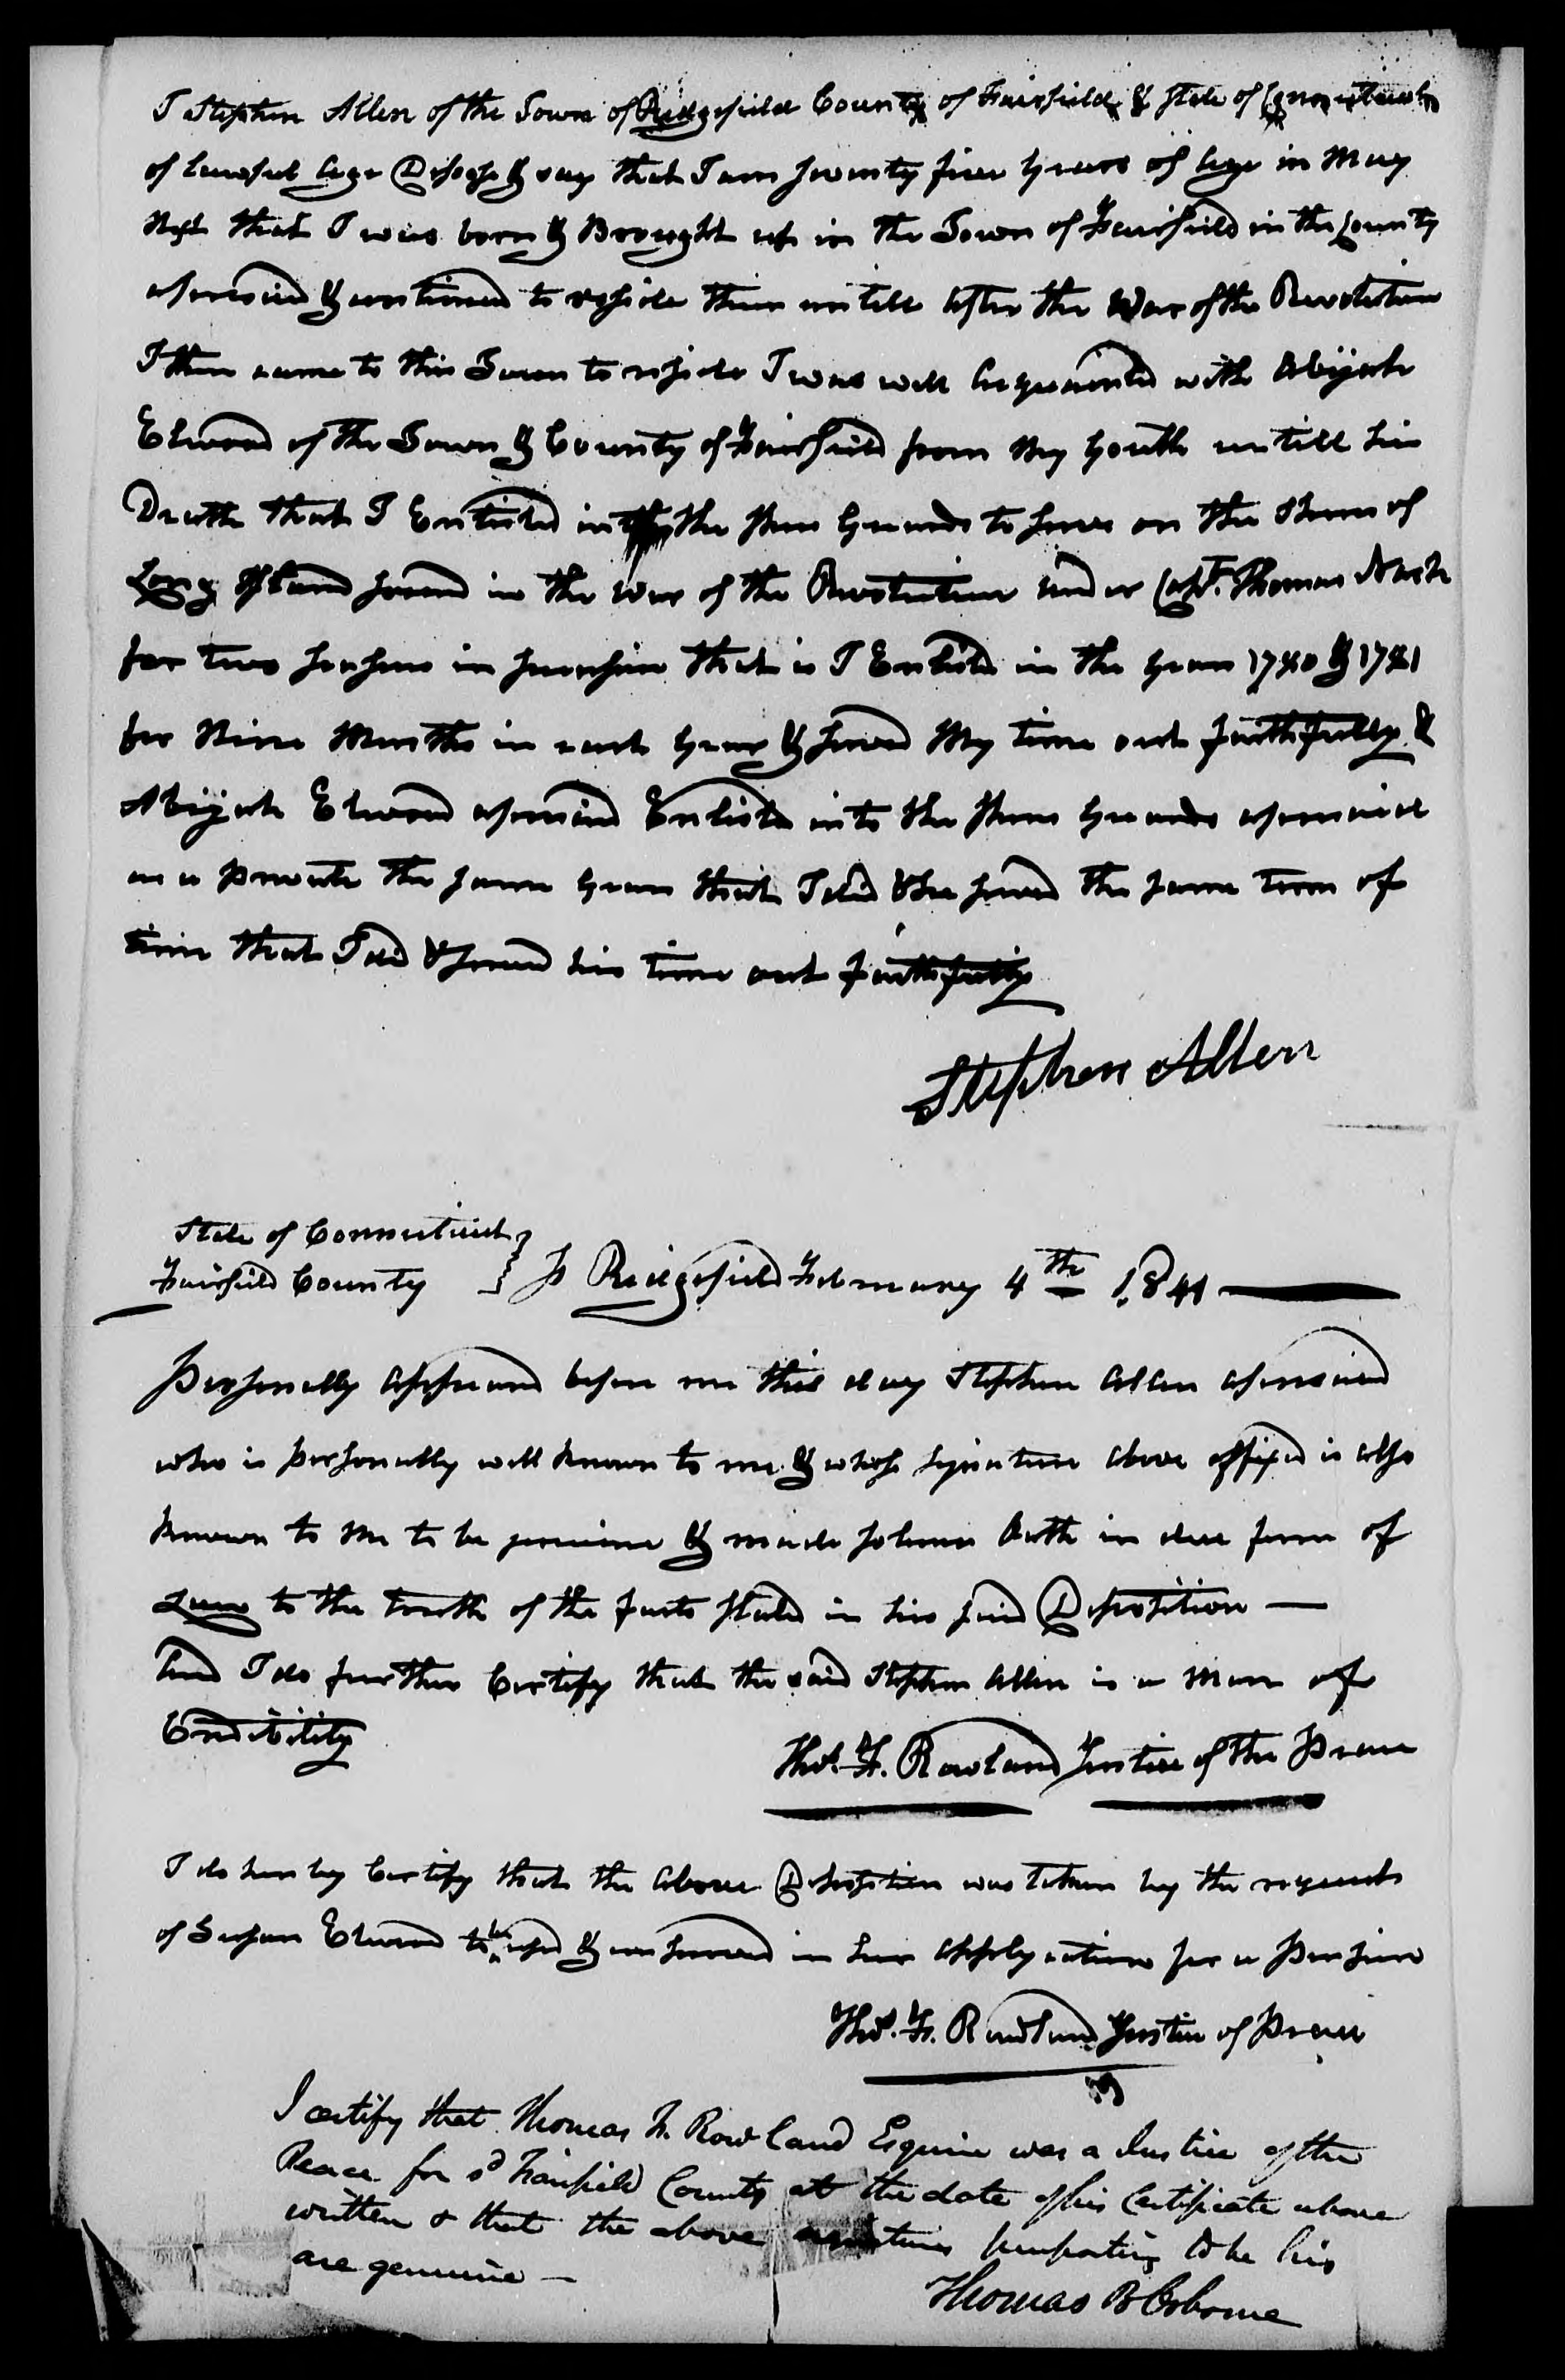I Stephen Allen of the Town of Ridgefield County of Fairfield & State of Connecticut
of lawful age Depose & say that I am seventy five years of age in May
next that I was born & brought up in the Town of Fairfield in the County
aforesaid & continued to reside their untill after the War of the Revolution
I then came to this Town to reside I was well acquainted with Abijah
Elwood of the Town & County of Fairfield from my youth untill his
Death that I enlisted in the Shore Guard to serve on the shores of
Long Island Sound in the war of the Revolution under Capt. Thomas Nash
for two [illegible] that is I Enlisted in the years 1780 & 1781
for Nine months in each year & served my time out faithfully &
Abijah Elwood aforesaid enlisted into the Shore Guards aforesaid
as a private the same Guard which I [illegible] the same term of
time that I did & found his time acted faithfully.
Stephen Allen
State of Connecticut
Fairfield County 
To Ridgefield February 4th 1841
Personally appeared before me this day Stephen Allen aforesaid
who is personally well known to me & whose signature above affixed in as
known to me to be genuine & made to his Oath in due form of
Law to the truth of the facts stated in his said Deposition
and I do further certify that the said Stephen Allen is a man of
Credibility
Thos F. Rowland Justice of the Peace
I do hereby Certify that the above Deposition was taken by the request
of Susan Elwood to be used & served
in her application for a pension
Tho F. Rowland Justice of Peace
I certify that Thomas F. Rowland Esquire was a Justice of the
Peace for sd Fairfield County at the date of this Certificate above
written & that the above signatures
purporting to be his
are genuine.
Thomas B Osborne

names: Susan Elwood, Stephen Allen, Thomas B Osborne, Thos F Rowland, Thomas F Rowland, Stephen Allen, Thomas Nash, Stephen Allen, Abijah Elwood, Thos F Rowland, Abigail Elwood, Stephen Allen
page: 38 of 69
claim: widow's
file: W. 25562, Abijah Elwood, Conn.